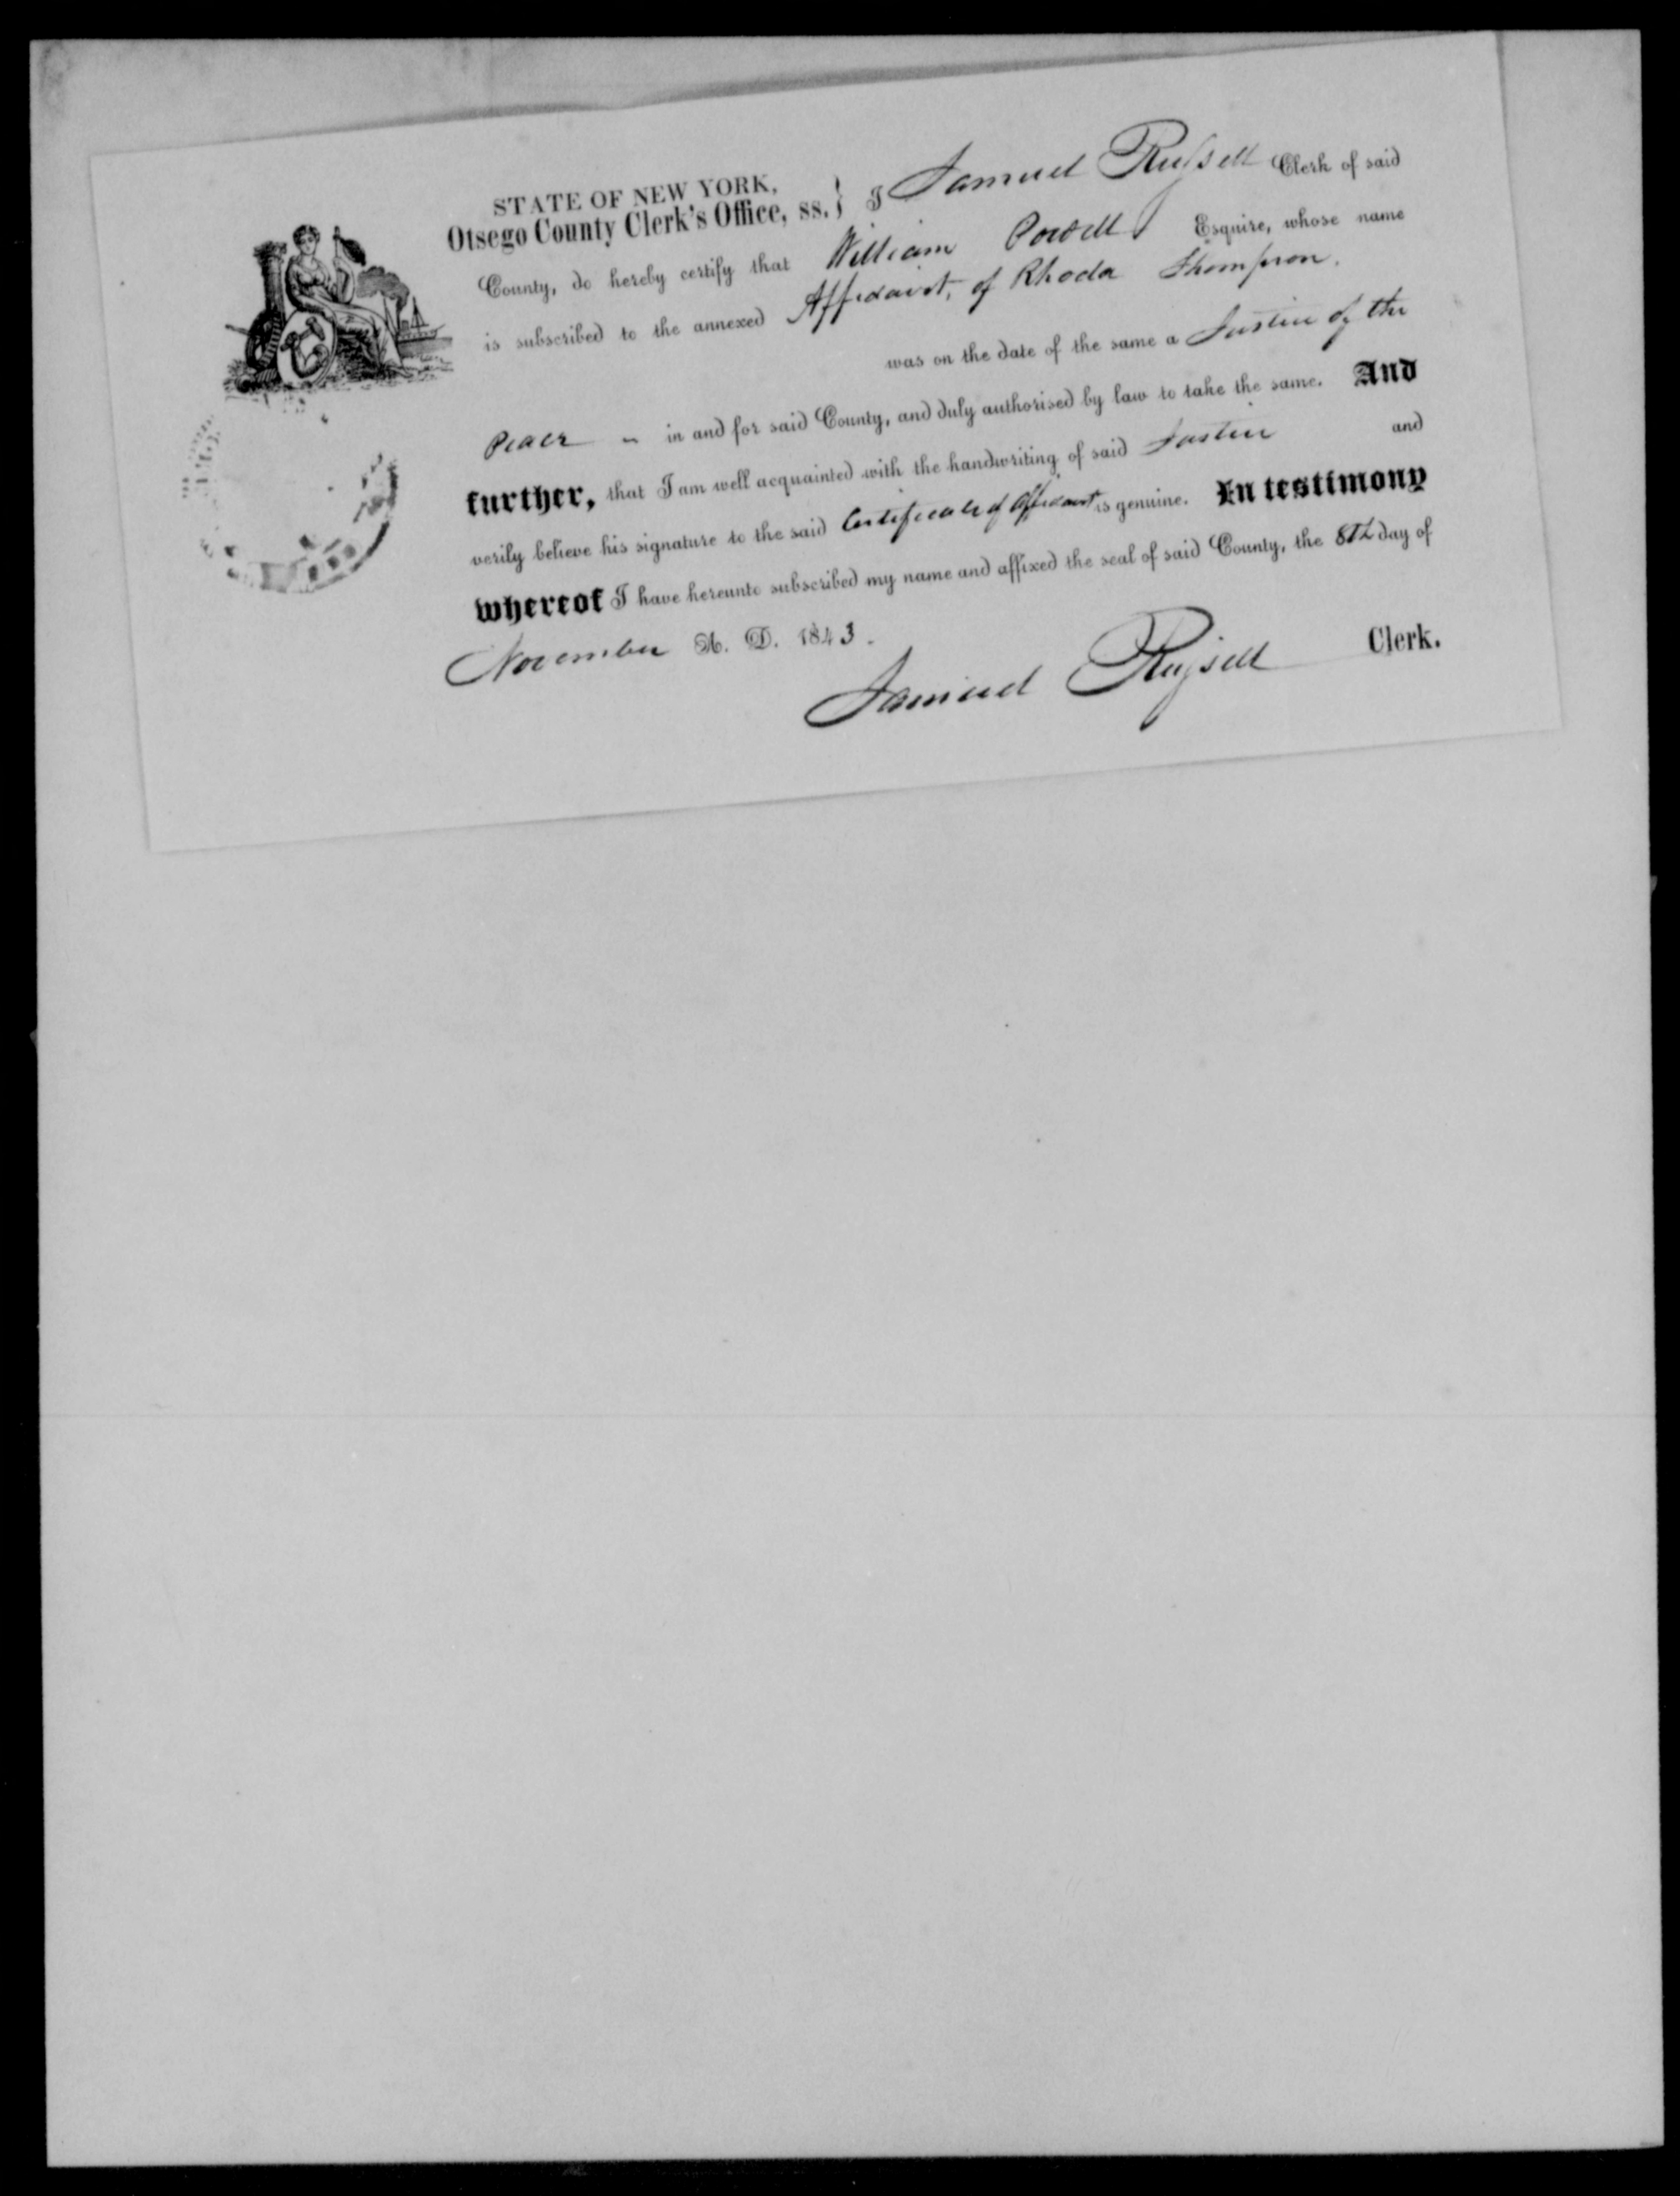STATE OF NEW YORK
Otsego County Clerk's Office, ss.} 

I Samuel Russell Clerk of said County, do hereby certify that William Powell Esquire, whose name is subscribed to the annexed Affidavit of Rhoda Thompson was on the date of the same a Justice of the Peace in and for said County, and duly authorized by law to take the same. And further, that I am well acquainted with the handwriting of said Justice and verily believe his signature to the said Certificate of Affidavit is genuine. In testimony whereof I have hereunto subscribed my name and affixed the seal of said County, the 8th day of November A.D. 1843.

Samuel Russell Clerk.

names: William Powell, Samuel Russell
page: 22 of 63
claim: widow's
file: W. 18403, David White, Conn.